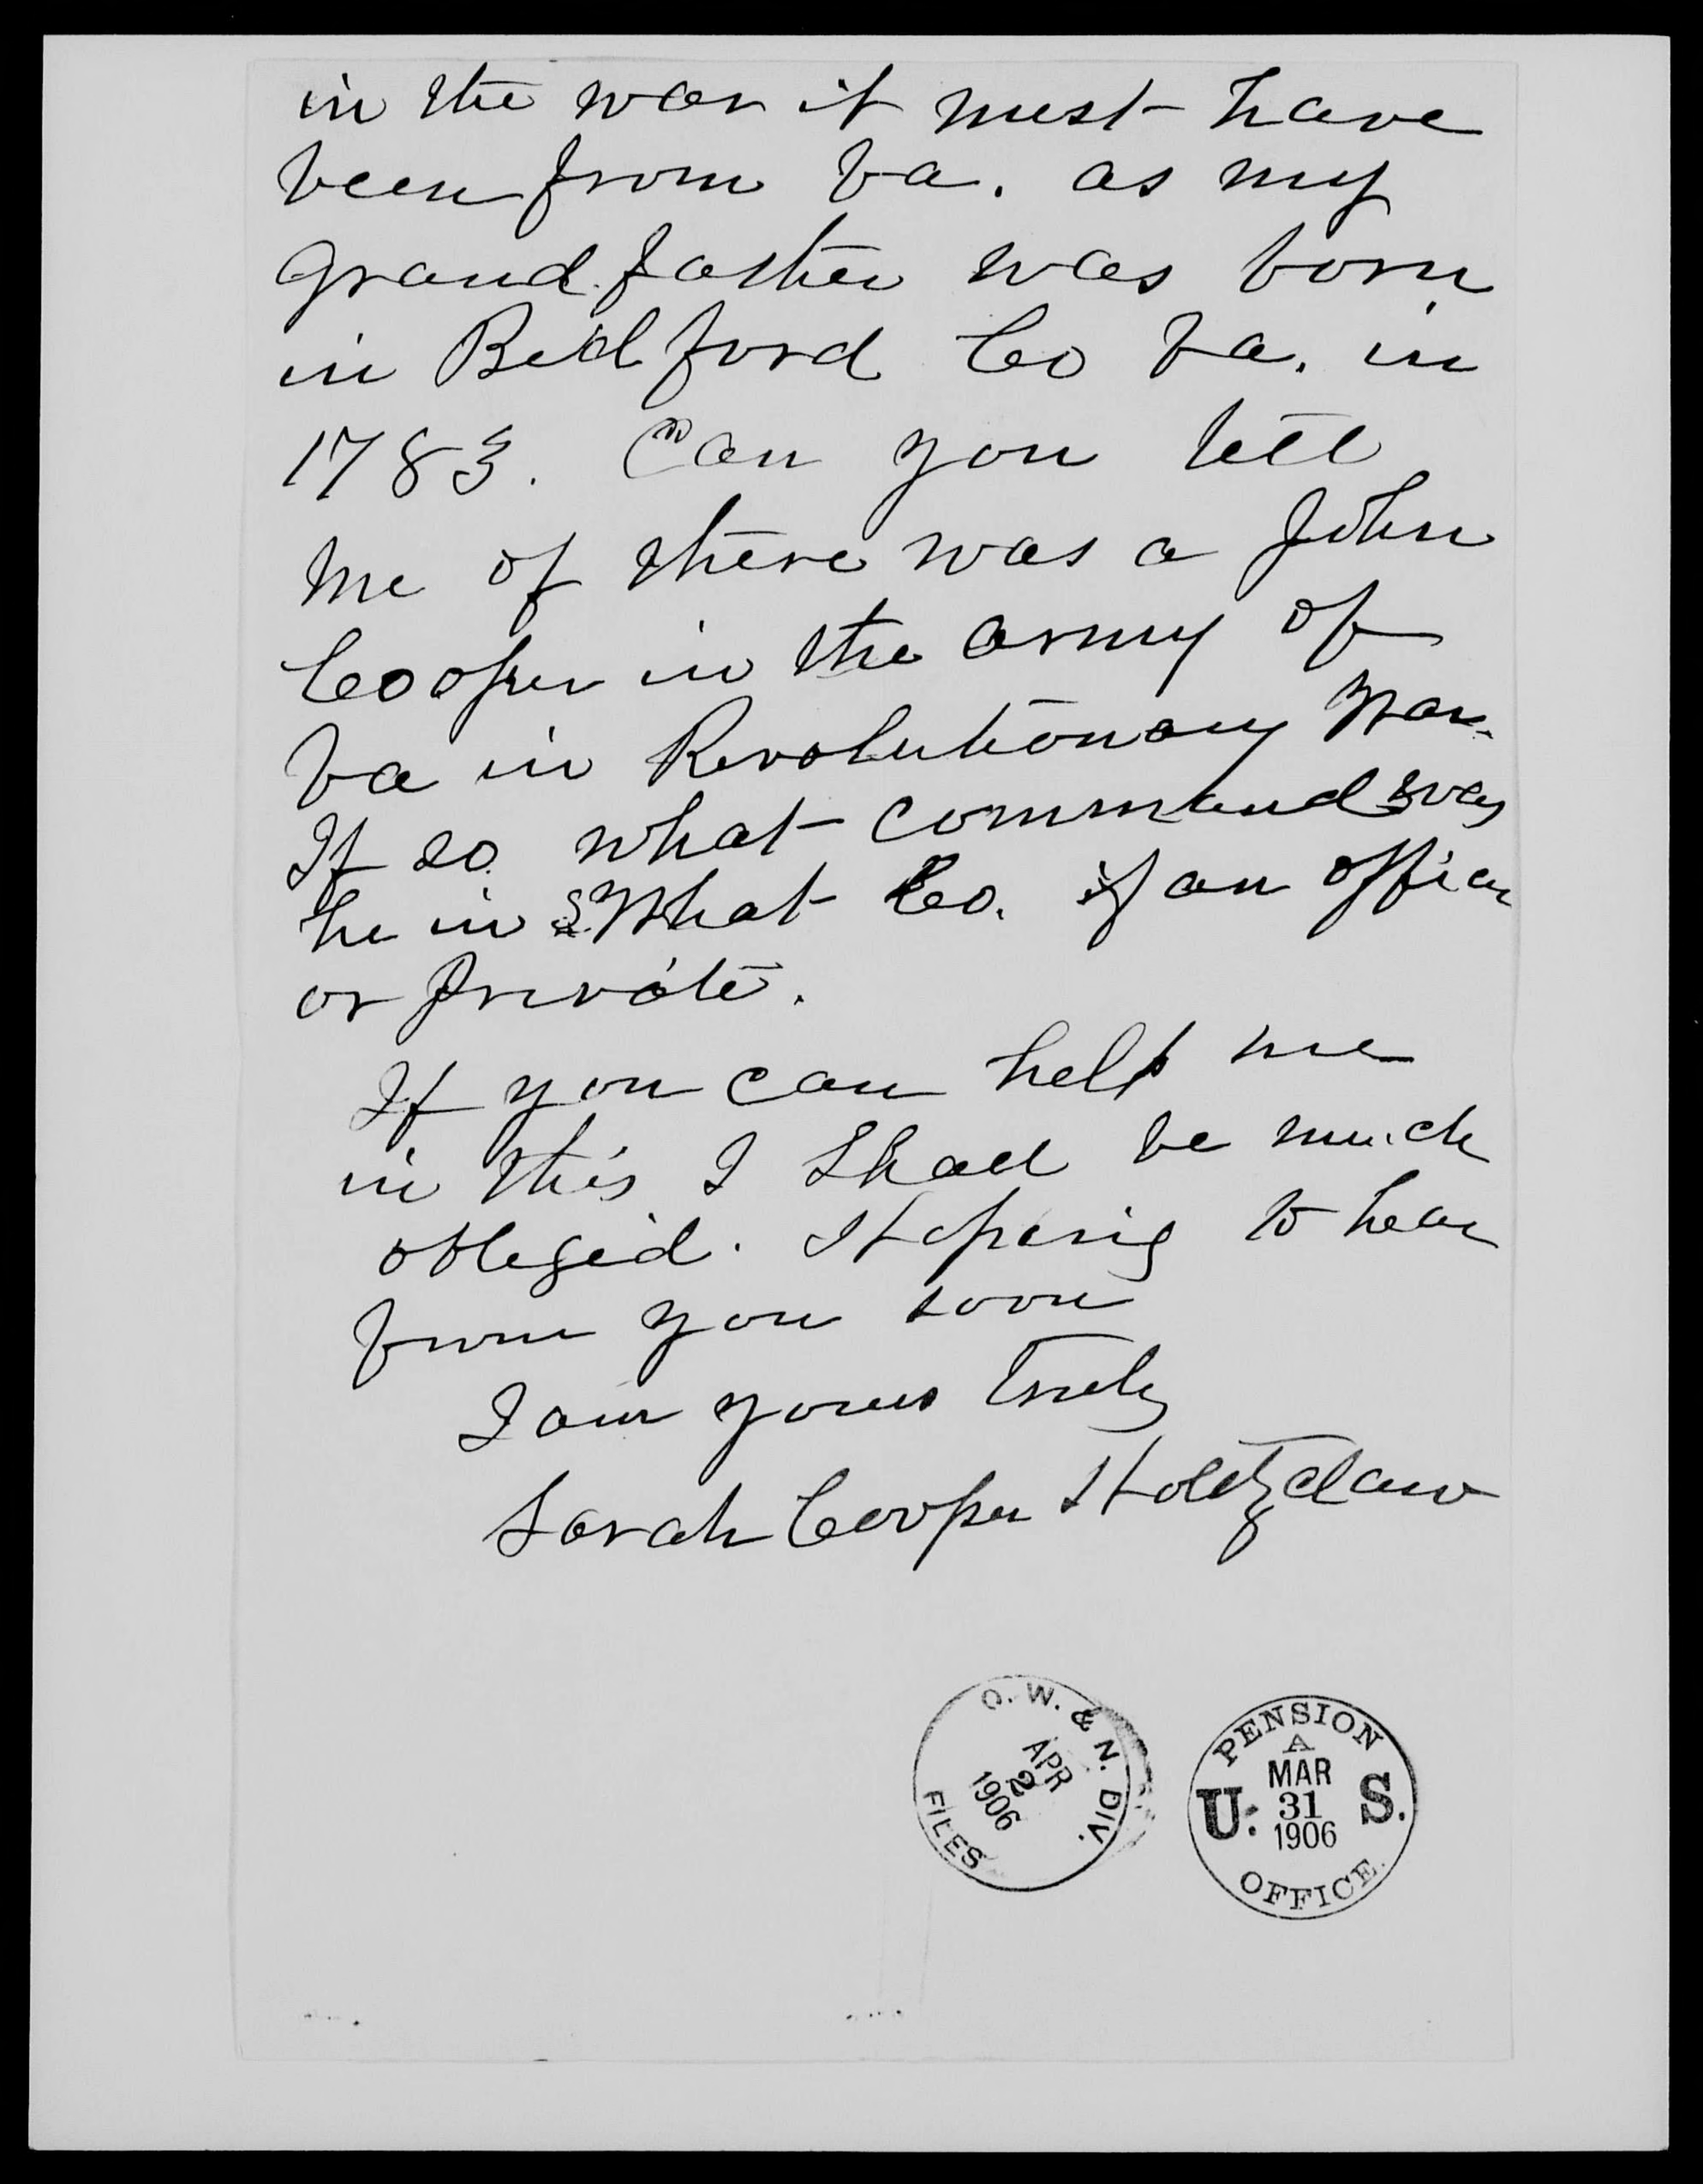in the war it must have been from Va. as my
grandfather was born in Bedford Co Va. in 1783. Can you tell of there was a John Cooper in the army of VA in Revolutionary War. If so, what command was he in? What [illegible] if an officer 
If you can help me in this I shall be much obliged. Hoping to hear from you [illegible].
I am yours truly
Sarah Cooper Holtzclaw

[stamps] O.W & N Div. FILES Apr 2 1906
U. S. PENSION OFFICE A MAR 31 1906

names: Sarah Cooper, John Cooper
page: 12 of 17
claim: rejected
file: R. 2,300, John Cooper, Va.